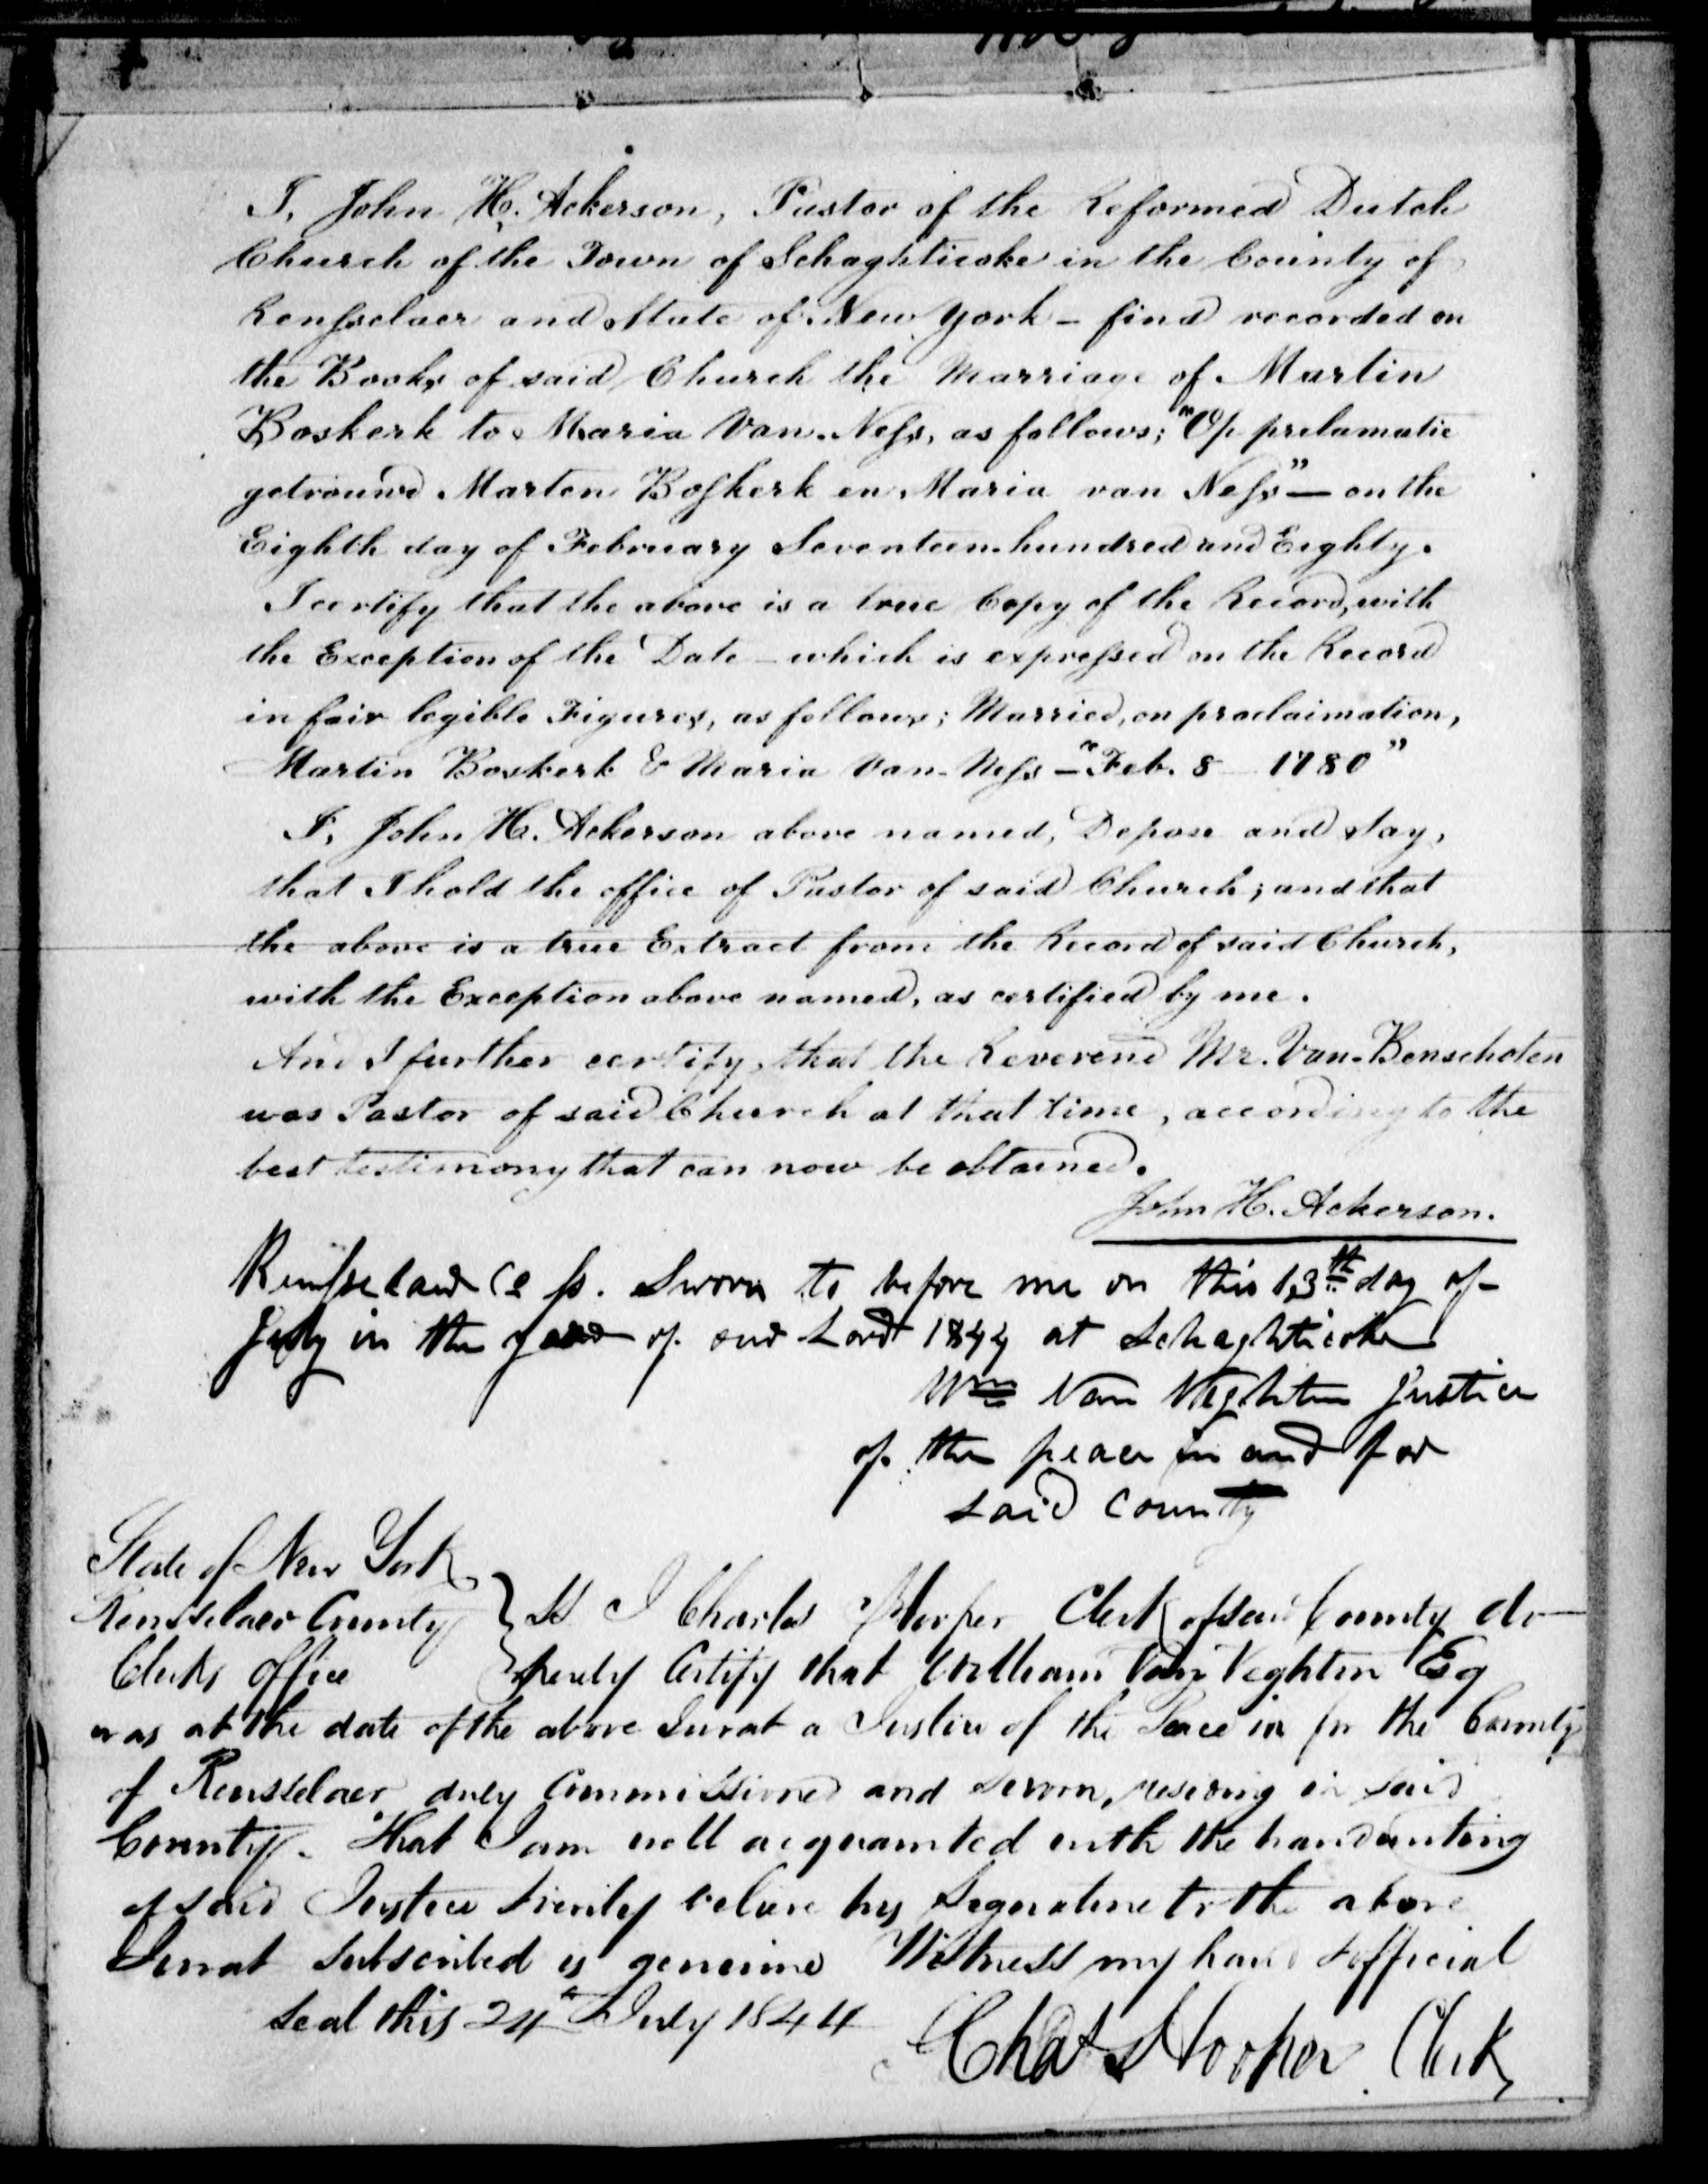I, John H. Ackerson, Pastor of the Reformed Dutch Church of the Town of Schaghticoke in the County of Rensselaer and State of New York - find recorded on the Books of said Church the Marriage of Martin Boskerk to Maria Van Ness, as follows: "Op prelamatic
getrouwd Martin Boskerk en Maria Van Ness" -  on the Eighth day of February Seventeen hundred and Eighty.

I certify that the above is a true copy of the Record, with the Exception of the date which is expressed on the Record in fair legible figures, as follows; Married, on proclaimation [proclamation], Martin Boskerk & Maria Van Ness - "Feb. 8 1780"

I, John H. Ackerson above named, depose and say, that I hold the office of Pastor of said Church; and that the above is a true Extract from the Record of said Church, with the Exception above named, as certified by me.

And I further certify, that the Reverend Mr. Van Benschoten was Pastor of said Church at that time, according to the best testimony that can now be obtained.
John H. Ackerson [signature]

Rensselaer Co. ss. 
Sworn to before me on this 13th day of July in the year of our Lord 1844 at Schaghticoke
Wm Van Veghten [signature] Justice of the peace in and for said County

State of New York
Rensselaer County
Clerks Office SS
I Charles Hooper Clerk of said County do hereby Certify that William Van Veghten Esq
was at the date of the above Jurat a Justice of the Peace in for the County of Rensselaer duly commissioned and sworn residing in said
County. That I am well acquainted with the hanwriting of said Justice hereby believe his s signature to the above Jurat Subscribed is genuine Witness my hand & official Seal this 24th July 1844
Chas Hooper [signature] Clerk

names: Van Benschoten, John H Ackerson, Wm Van Veghten, Martin Boskerk, Maria Van Ness, William Van Veghten, Chas Hooper, Maria Van Ness, John H Ackerson, John H Ackerson, Martin Boskerk, Maria Van Ness, Charles Hooper, Martin Boskerk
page: 4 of 70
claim: rejected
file: R. 10,832, Martin Van Buskirk, New York.